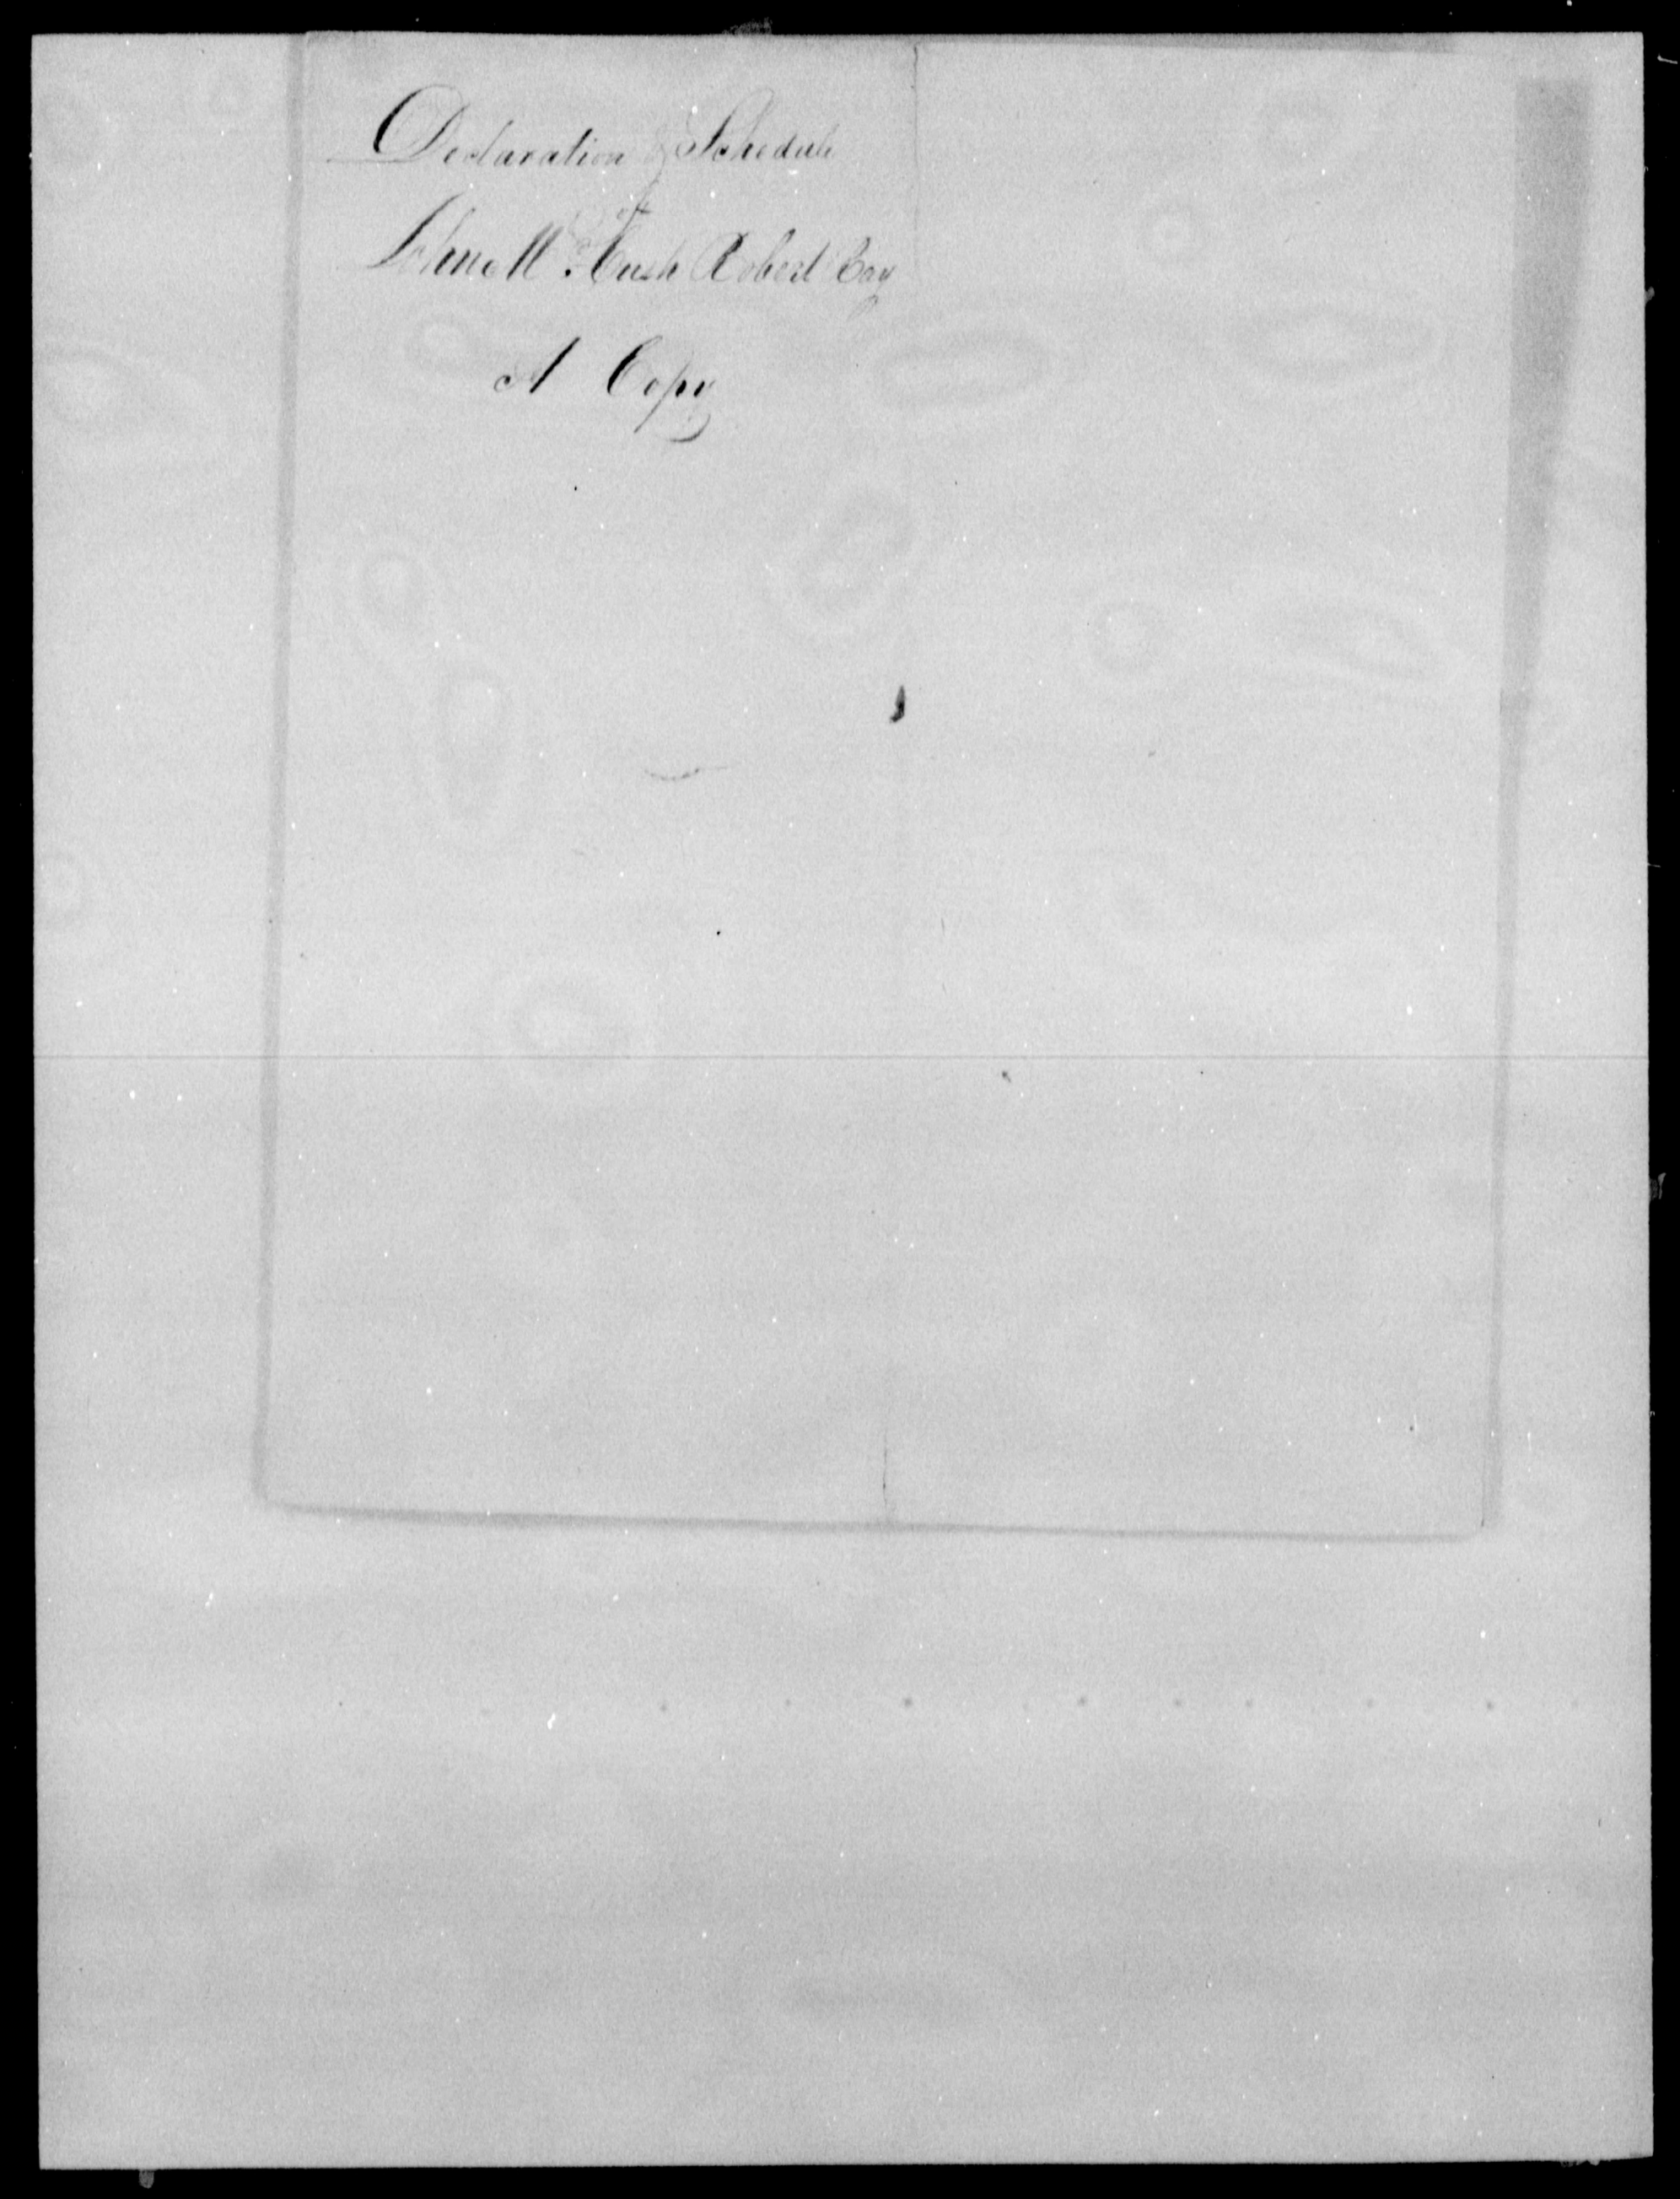Declaration of Schedule
John McCush Robert Ray
A copy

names: John Mc Cush; Robert Ray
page: 3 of 20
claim: survivor's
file: S. 40,990, for John Mc Cush Robert Ray, Pennsylvania